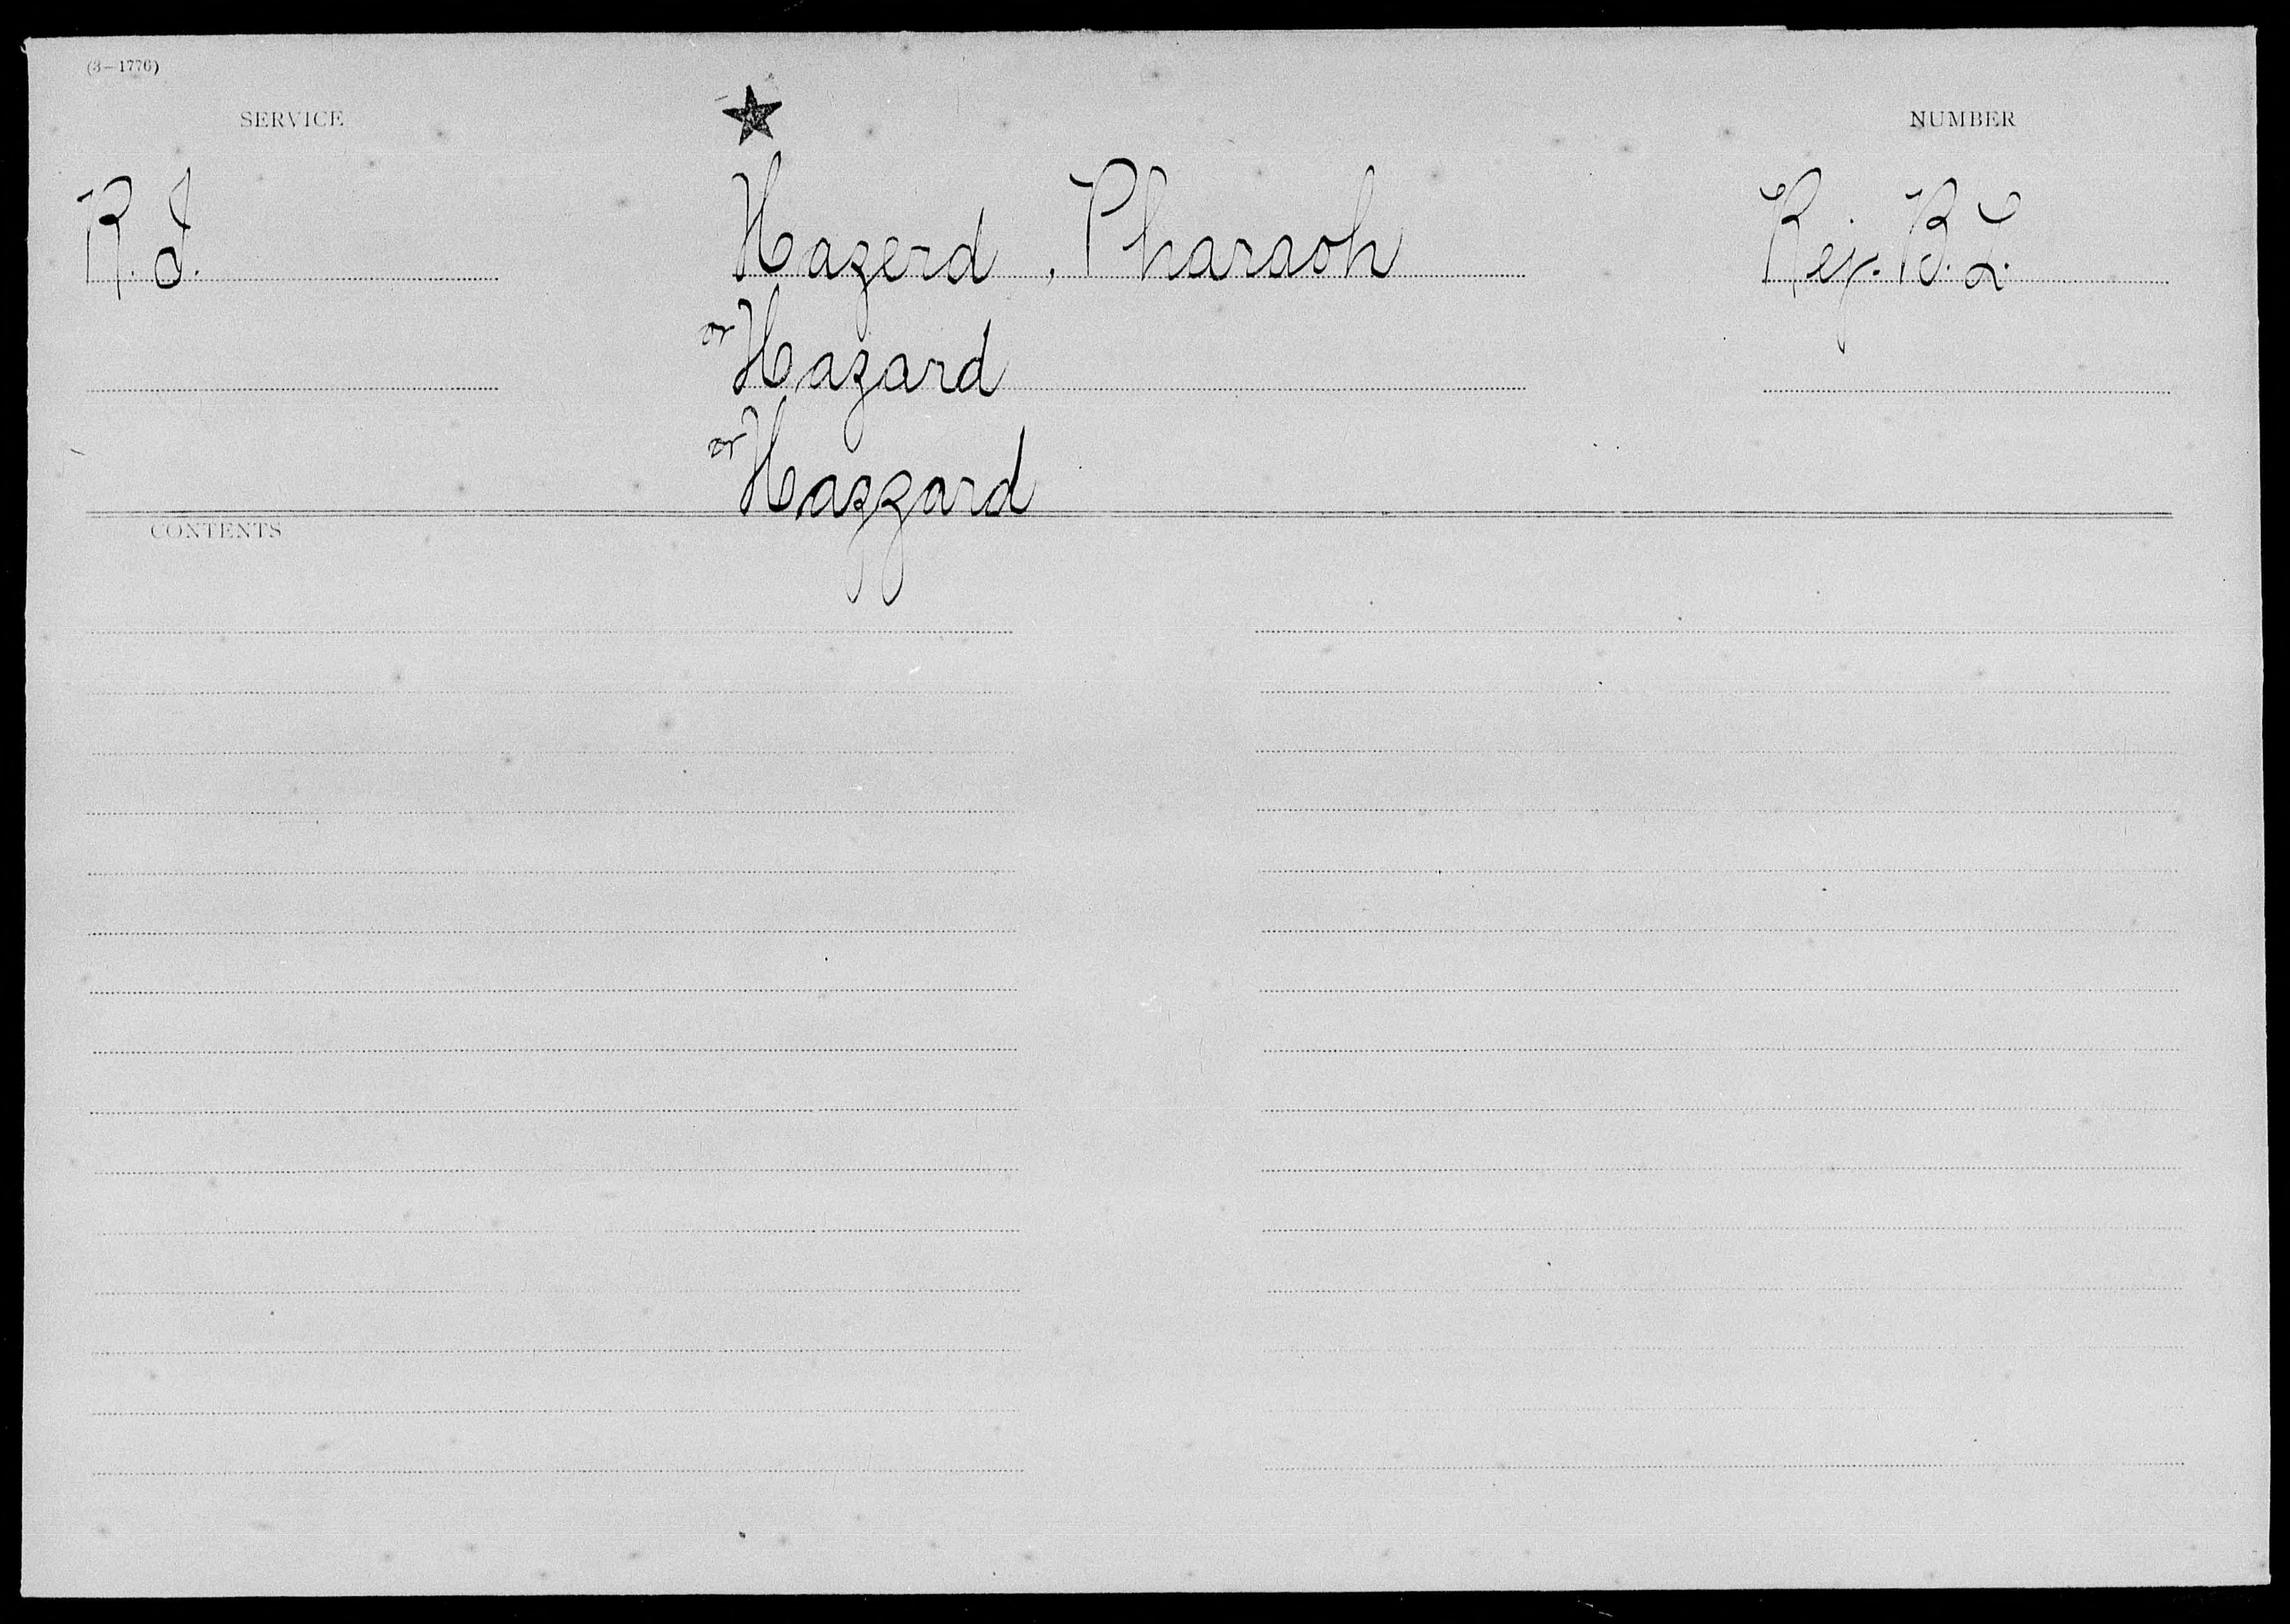SERVICE
R.I.

Hazerd, Pharaoh
or Hazard
or Hazzard

NUMBER
Rej. B.L.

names: Pharaoh Hazzard, Pharaoh Hazard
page: 1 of 7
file: Rej. B. L., Pharaoh Hazerd, R.I.